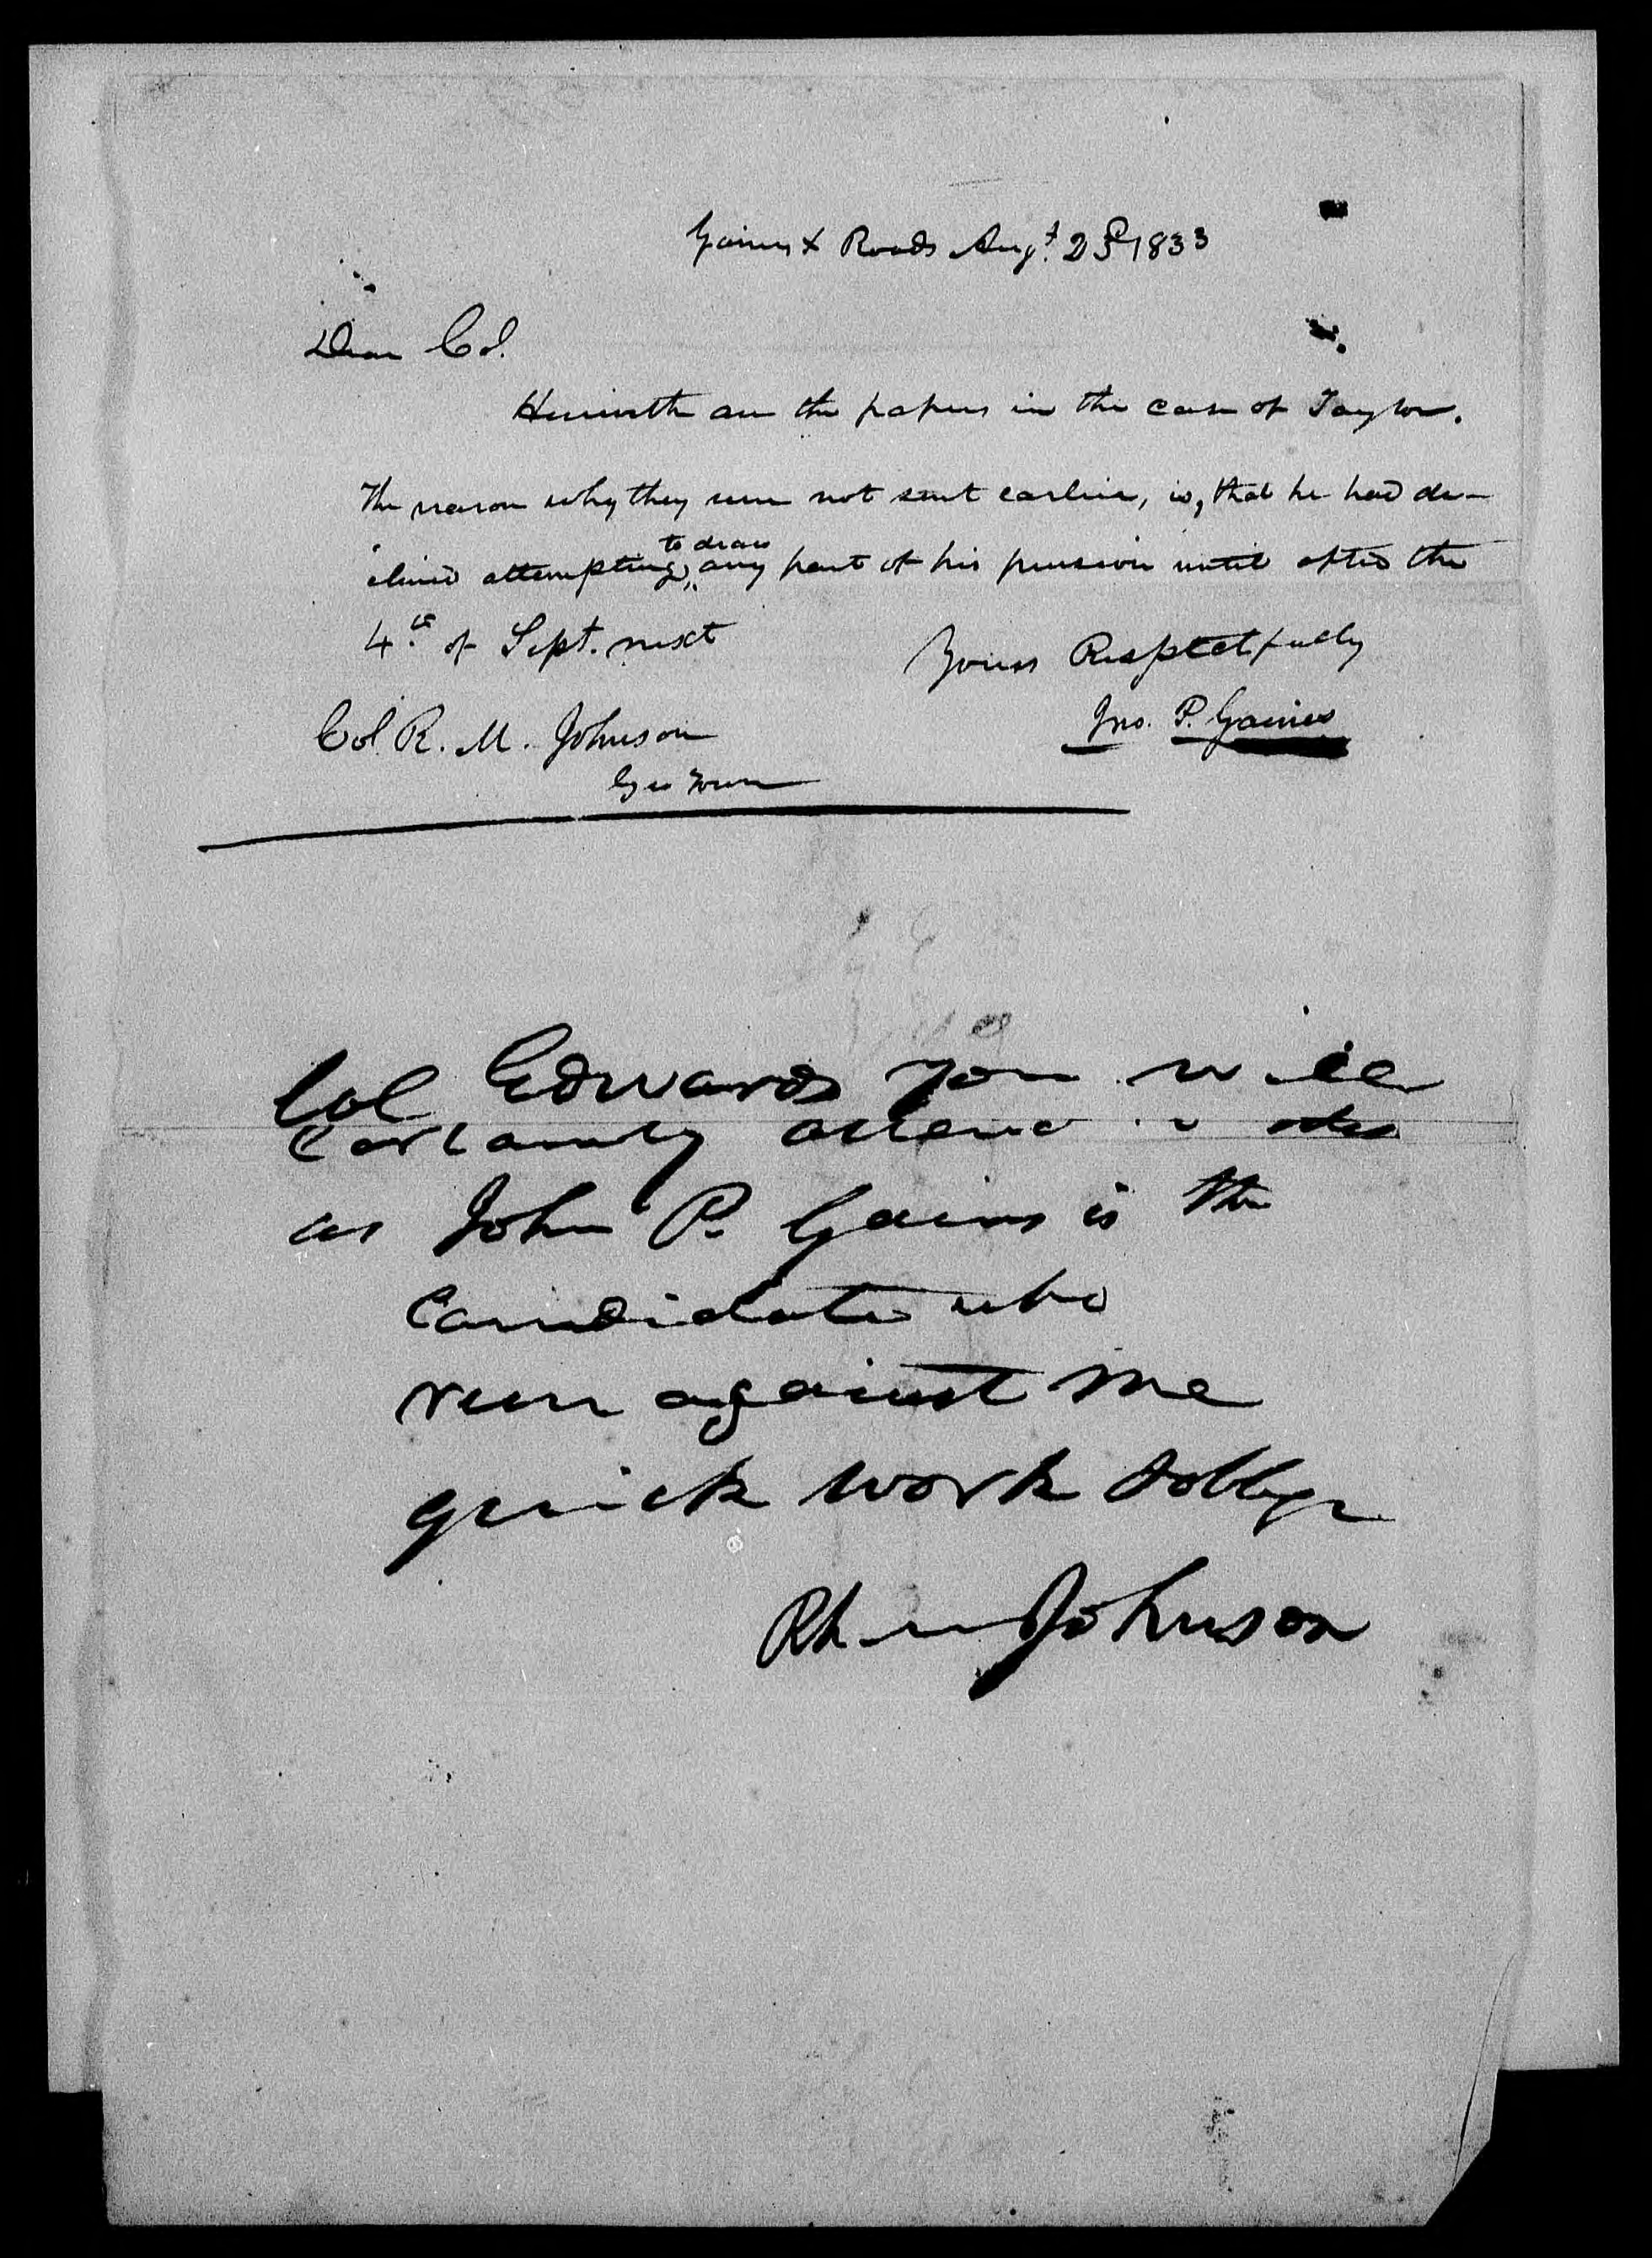Gaines & Roads Augt. 23d 1833 

Dear Col.

Herewith are the papers in the case of Taylor.
The reason why were not sent earlier, is, that he had de
clined attempting to draw any part of his pension until after the 
4th of Sept. next.
Yours Respectfully

Jno. P. Gaines
Col R. M. Johnson 
[illegible]
_____________________________
Col Edwards you will 
certainly attend to this 
as John P. Gaines is the 
candidate who 
ran against me 
quick work & oblige
R M Johnson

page: 11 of 18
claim: survivor's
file: S. 37,483, for John Taylor, Maryland